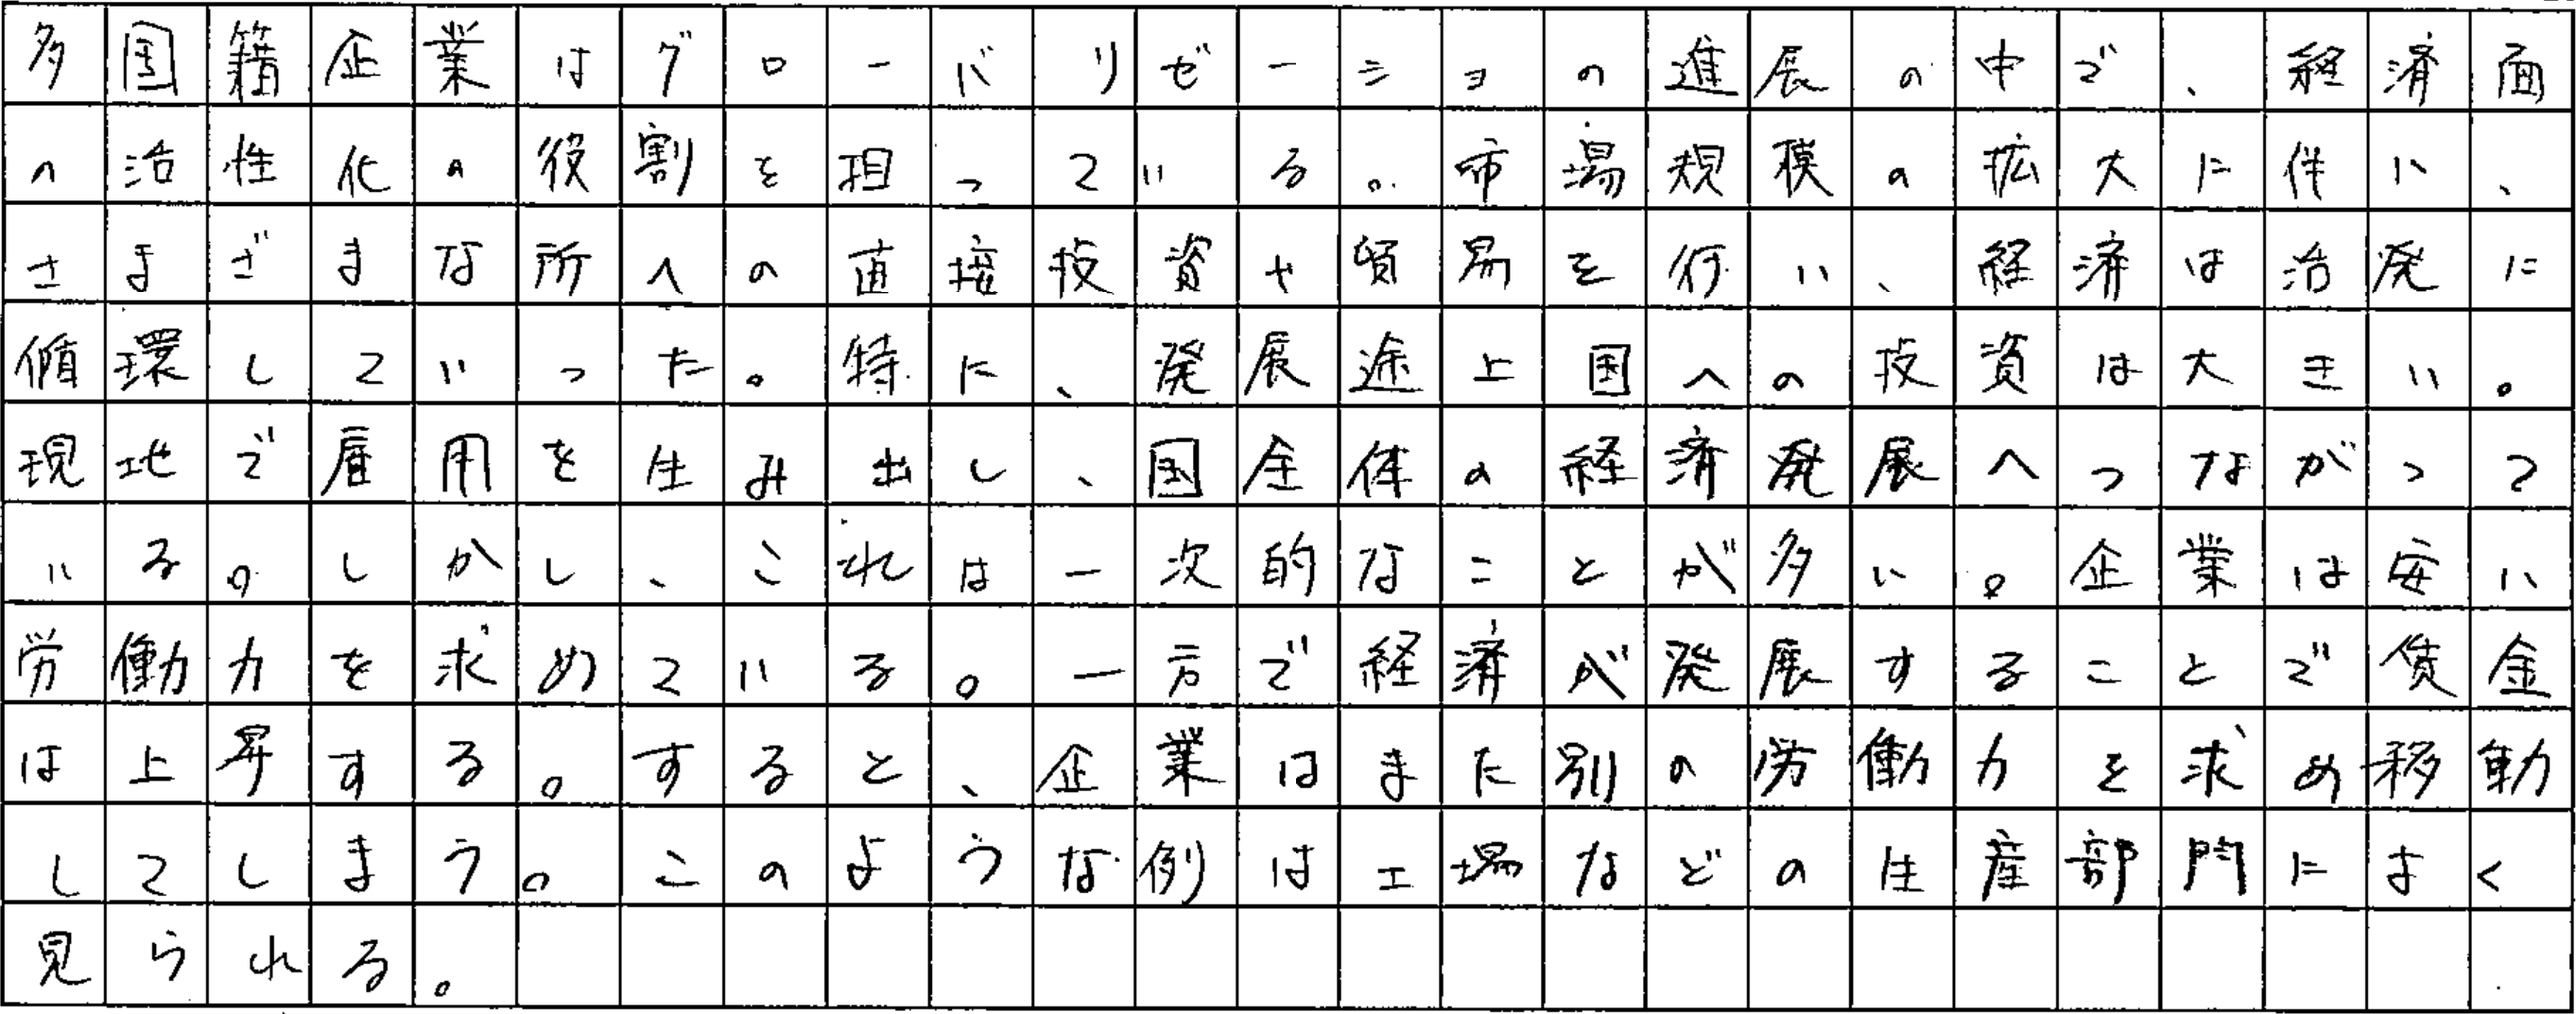多国籍企業はグローバリゼーショの進展の中で、経済面の活性化の役割を担っている。市場規模の拡大に伴い、さまざまな所への直接投資や貿易を行い、経済は活発に▁環していった。特に、発展途上国への投資は大きい。現地で雇用を生み出し、国全体の経済発展へつながっている。しかし、これは一次的なことが多い。企業は安い労働力を求めている。一方で経済が発展することで賃金は上昇する。すると、企業はまた別の労働力を求め移動してしまう。このような例は工場などの生産部門によく見られる。
